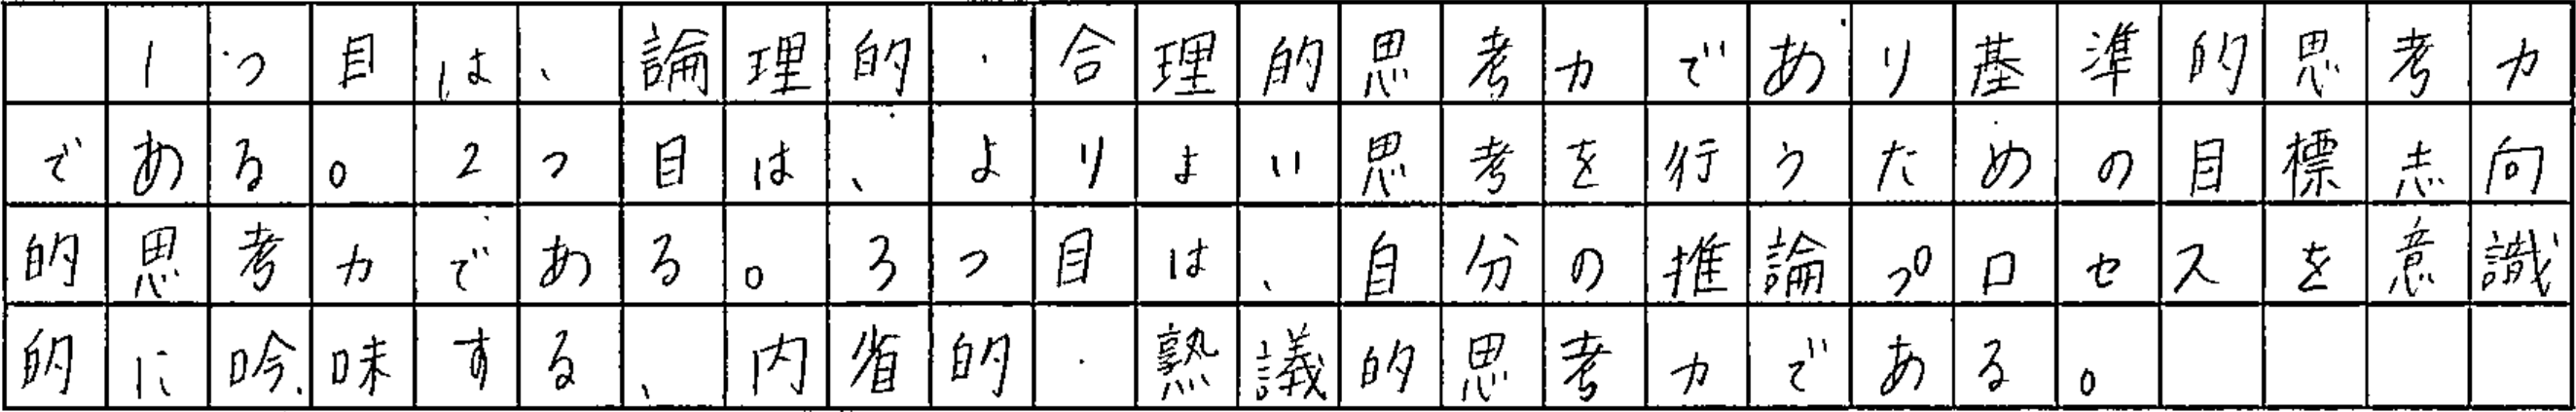　１つ目は、論理的・合理的思考力であり基準的思考力である。２つ目は、よりよい思考を行うための目標志向的思考力である。３つ目は、自分の推論プロセスを意識的に吟味する、内省的・熟議的思考力である。
